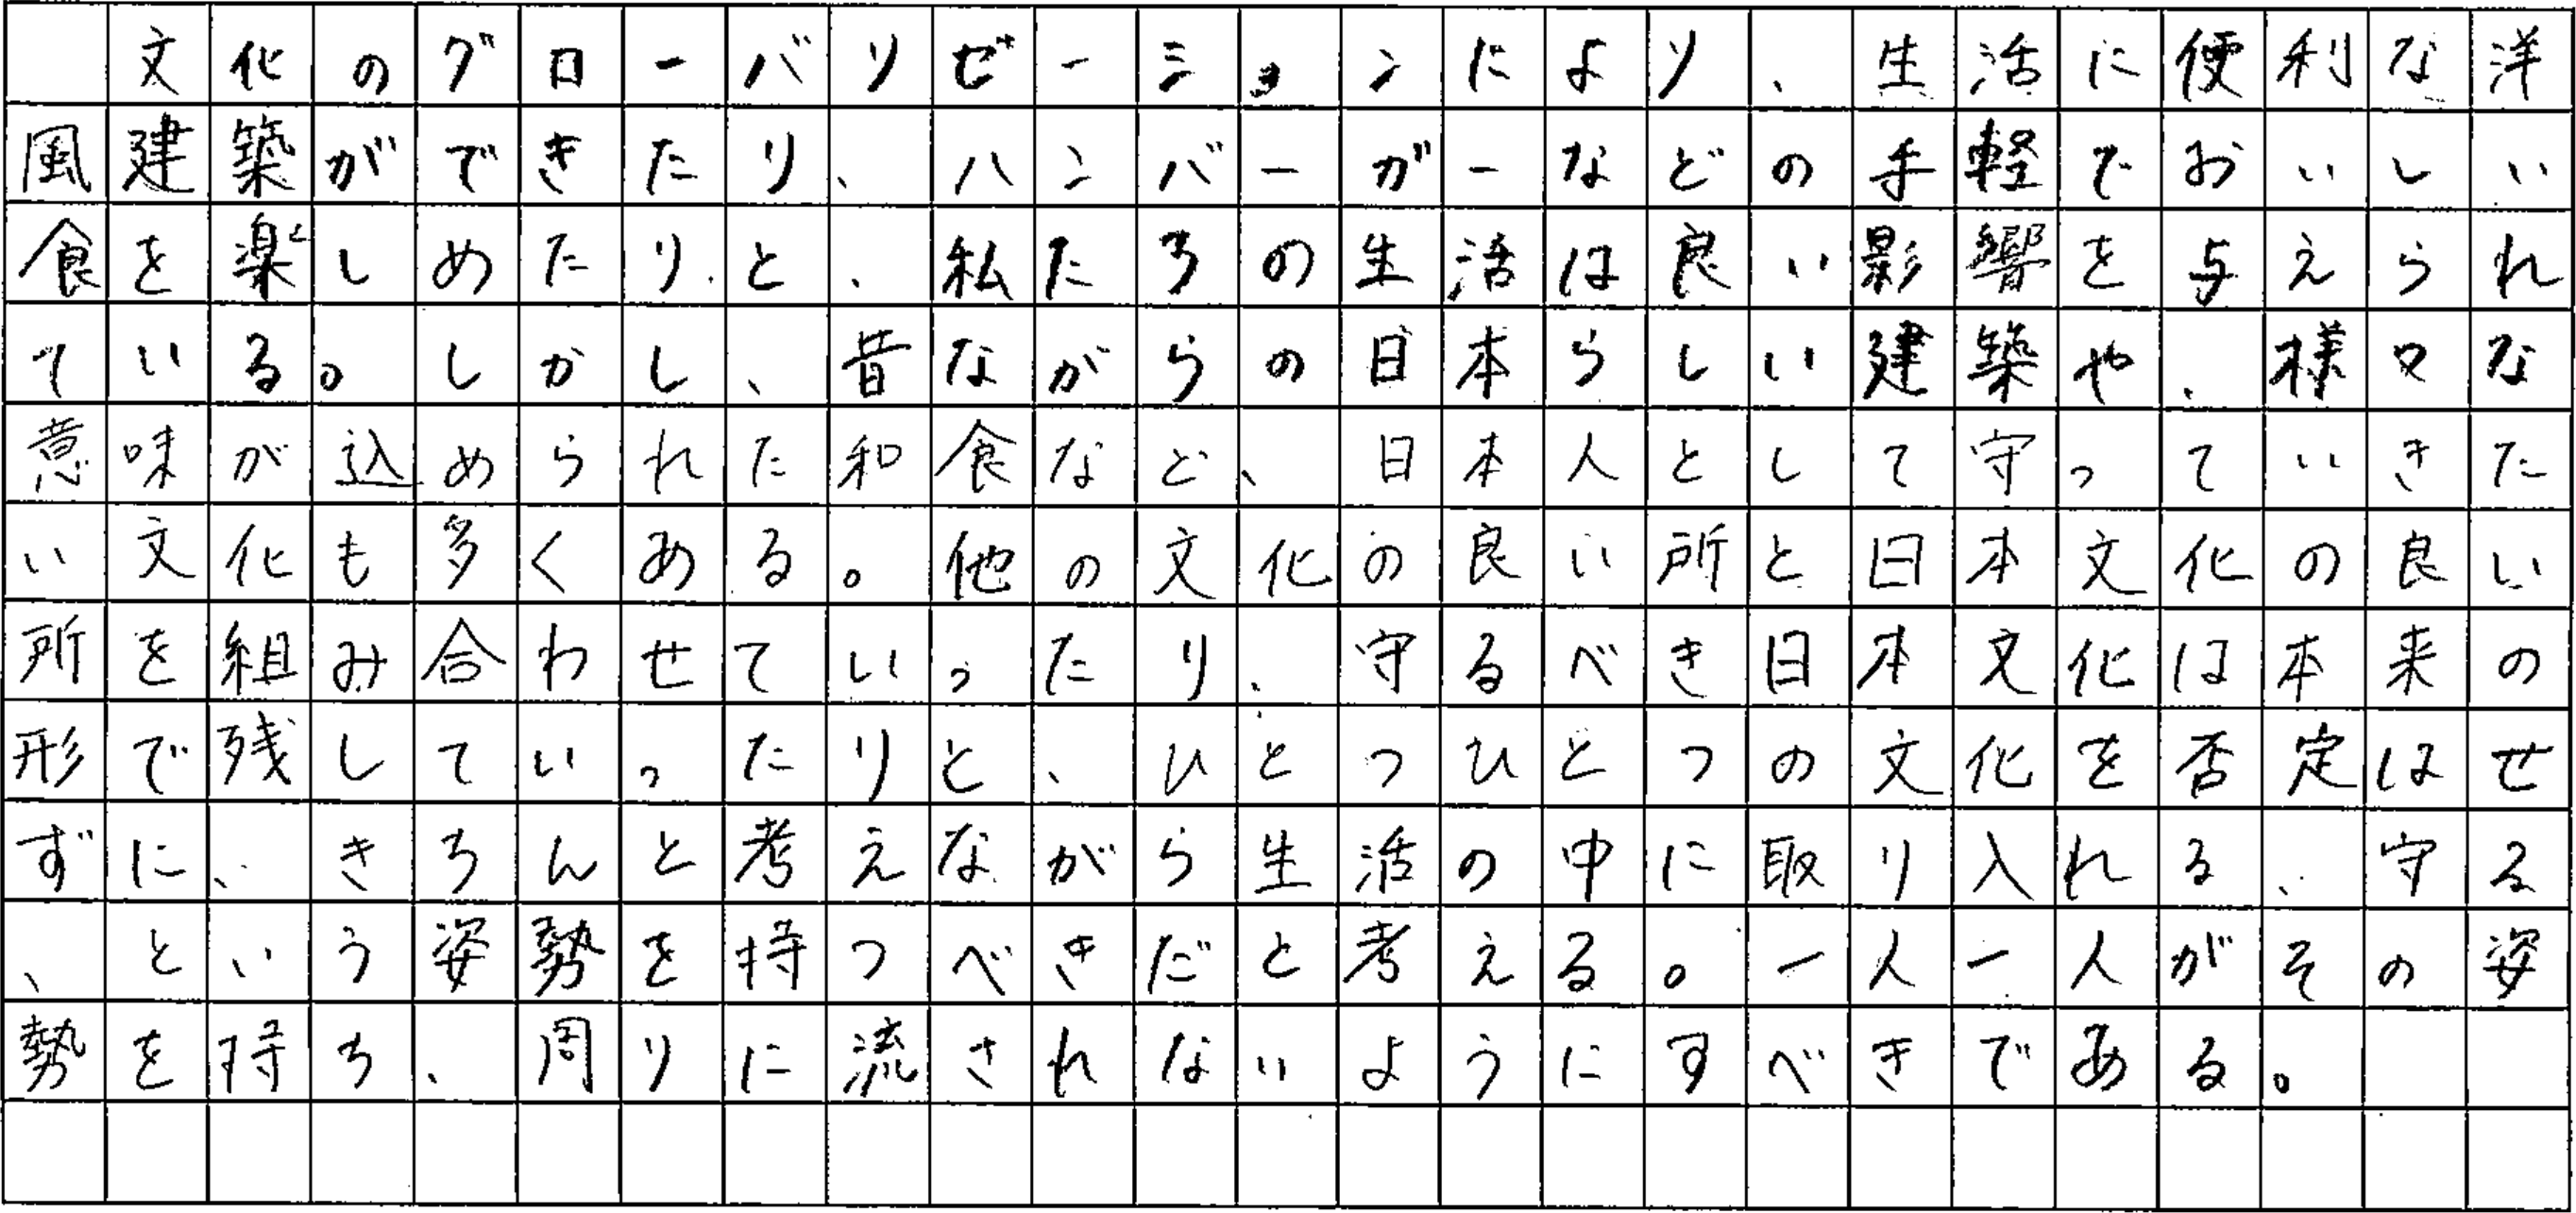　文化のグローバリゼーションにより、生活に便利な洋風建築ができたり、ハンバーガーなどの手軽でおいしい食を楽しめたりと、私たちの生活は良い影響を与えられている。しかし、昔ながらの日本らしい建築や、様々な意味が込められた和食など、日本人として守っていきたい文化も多くある。他の文化の良い所と日本文化の良い所を組み合わせていったり、守るべき日本文化は本来の形で残していったりと、ひとつひとつの文化を否定はせずに、きちんと考えながら生活の中に取り入れる、守る、という姿勢を持つべきだと考える。一人一人がその姿勢を持ち、周りに流されないようにすべきである。
